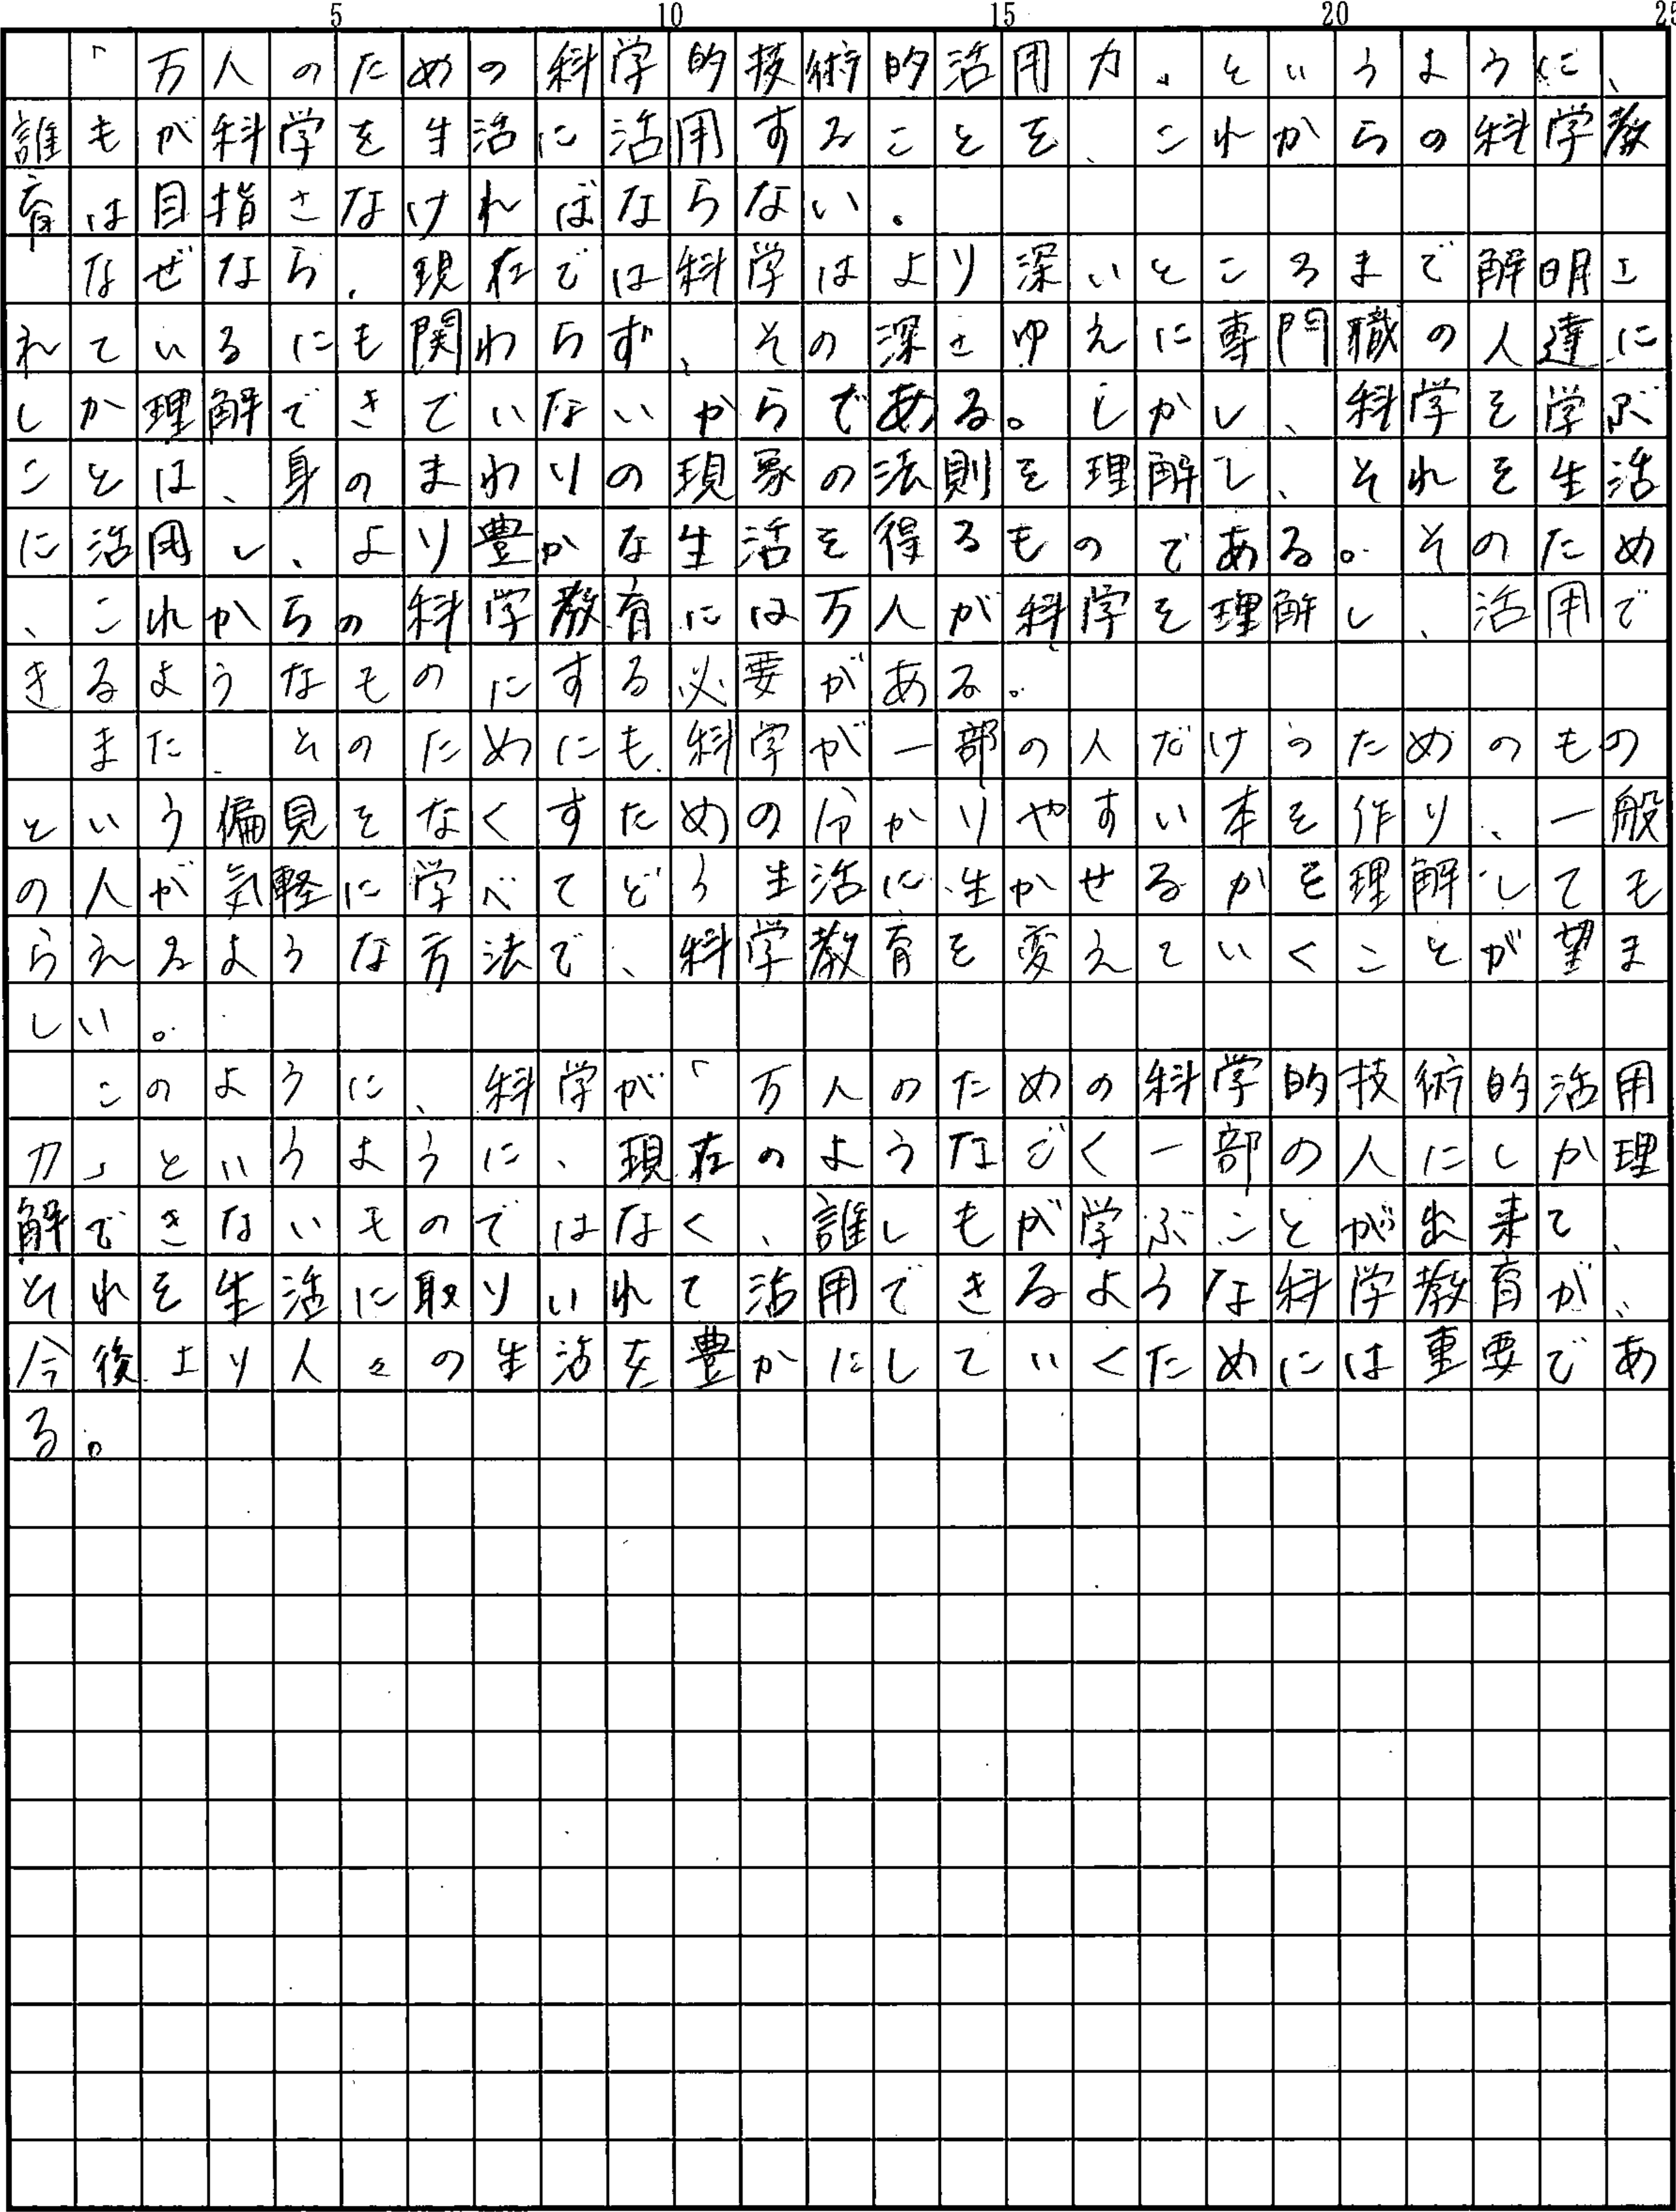　「万人のための科学的技術活用力」というように、誰もが科学を生活に活用することを、これからの科学教育は目指さなければならない。
　なぜなら、現在では科学はより深いところまで解明されているにも関わらず、その深さゆえに専門職の人達にしか理解できていないからである。しかし、科学を学ぶことは、身のまわりの現象の法則を理解し、それを生活に活用し、より豊かな生活を得るものである。そのため、これからの科学技術には万人が科学を理解し、活用できるようなものにする必要がある。
　また、そのためにも科学が一部の人だけのものという偏見をなくすための分かりやすい本を作り、一般の人が気軽に学べてどう生活に生かせるかを理解してもらえるような方法で、科学教育を変えていくことが望ましい。
　このように、科学が「万人のための科学的技術的活用力」というように、現在のようなごく一部の人にしか理解できないものではなく、誰しもが学ぶことが出来て、それを生活に取りいれて活用できるような科学教育が、今後より人々の生活を豊かにしていくためには重要である。
